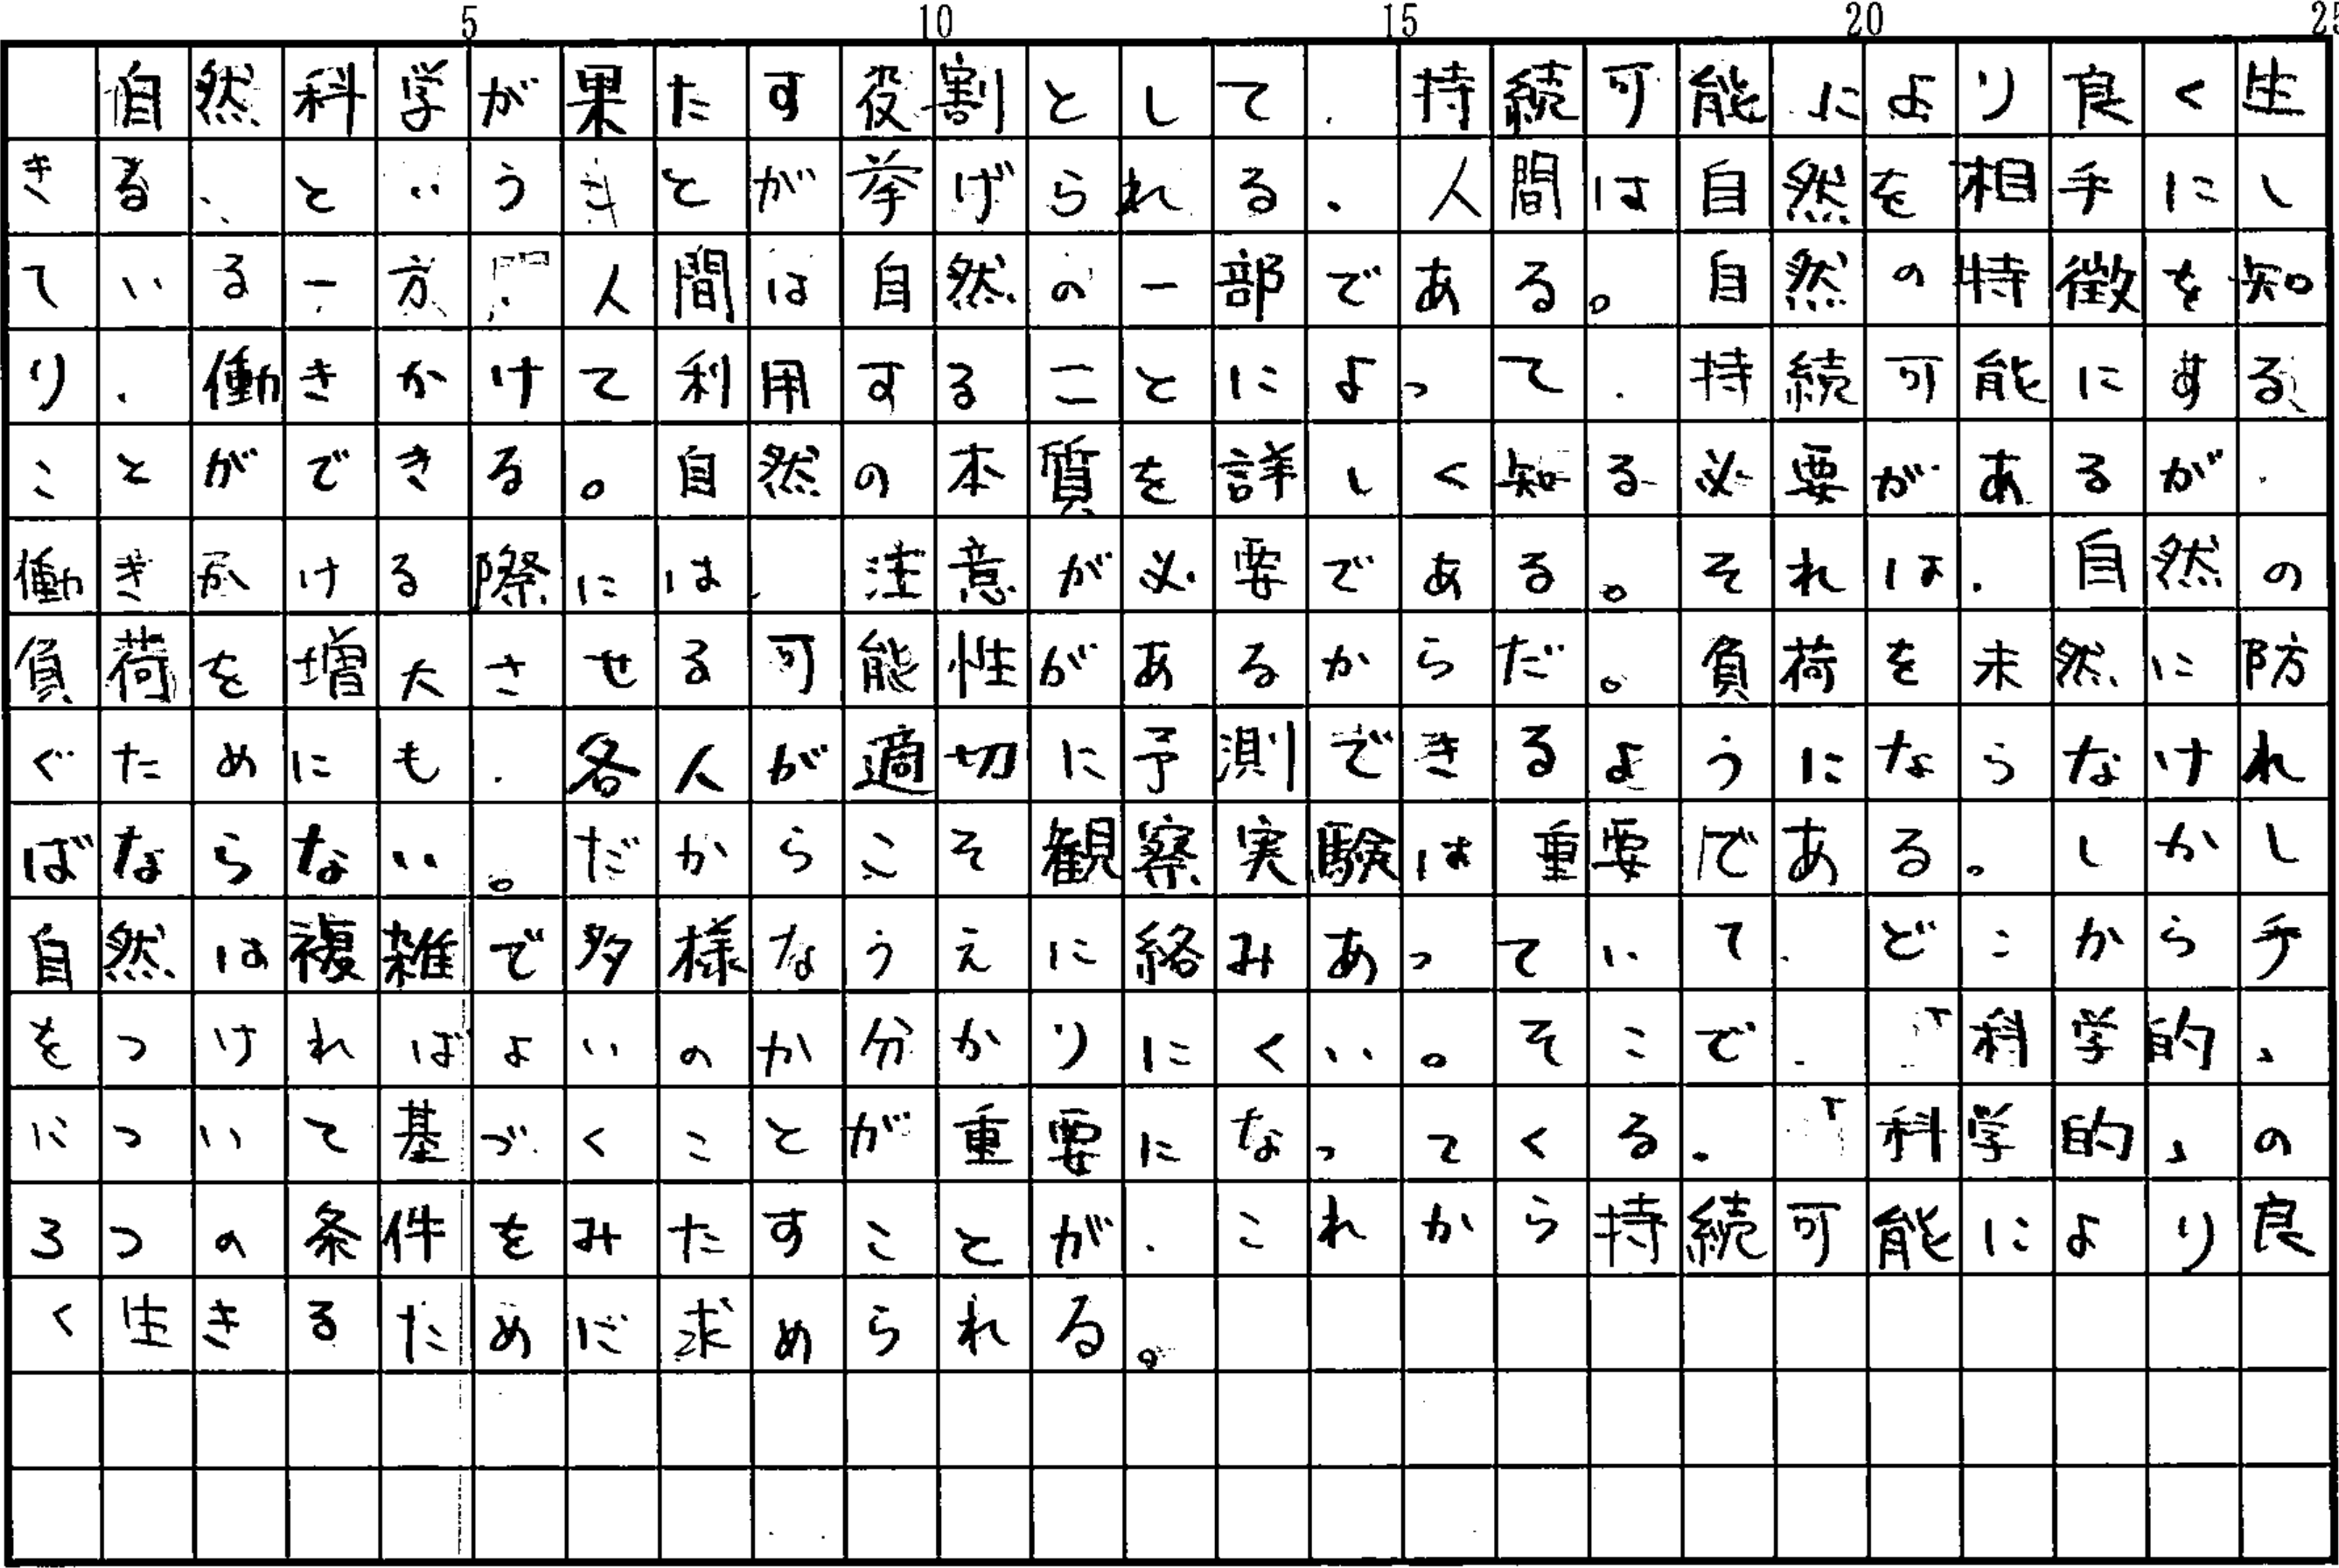　自然科学が果たす役割として、持続可能により良く生きる、ということが挙げられる。人間は自然を相手にしている一方、人間は自然の一部である。自然の特徴を知り、働きかけて利用することによって、持続可能にすることができる。自然の本質を詳しく知る必要があるが、働きかける際には、注意が必要である。それは、自然の負荷を増大させる可能性があるからだ。負荷を未然に防ぐためにも、各人が適切に予測できるようにならなければならない。だからこそ観察実験は重要である。しかし自然は複雑で多様なうえに絡みあっていて、どこから手をつければよいのか分かりにくい。そこで、「科学的」について基づくことが重要になってくる。「科学的」の３つの条件をみたすことが、これから持続可能により良く生きるために求められる。
